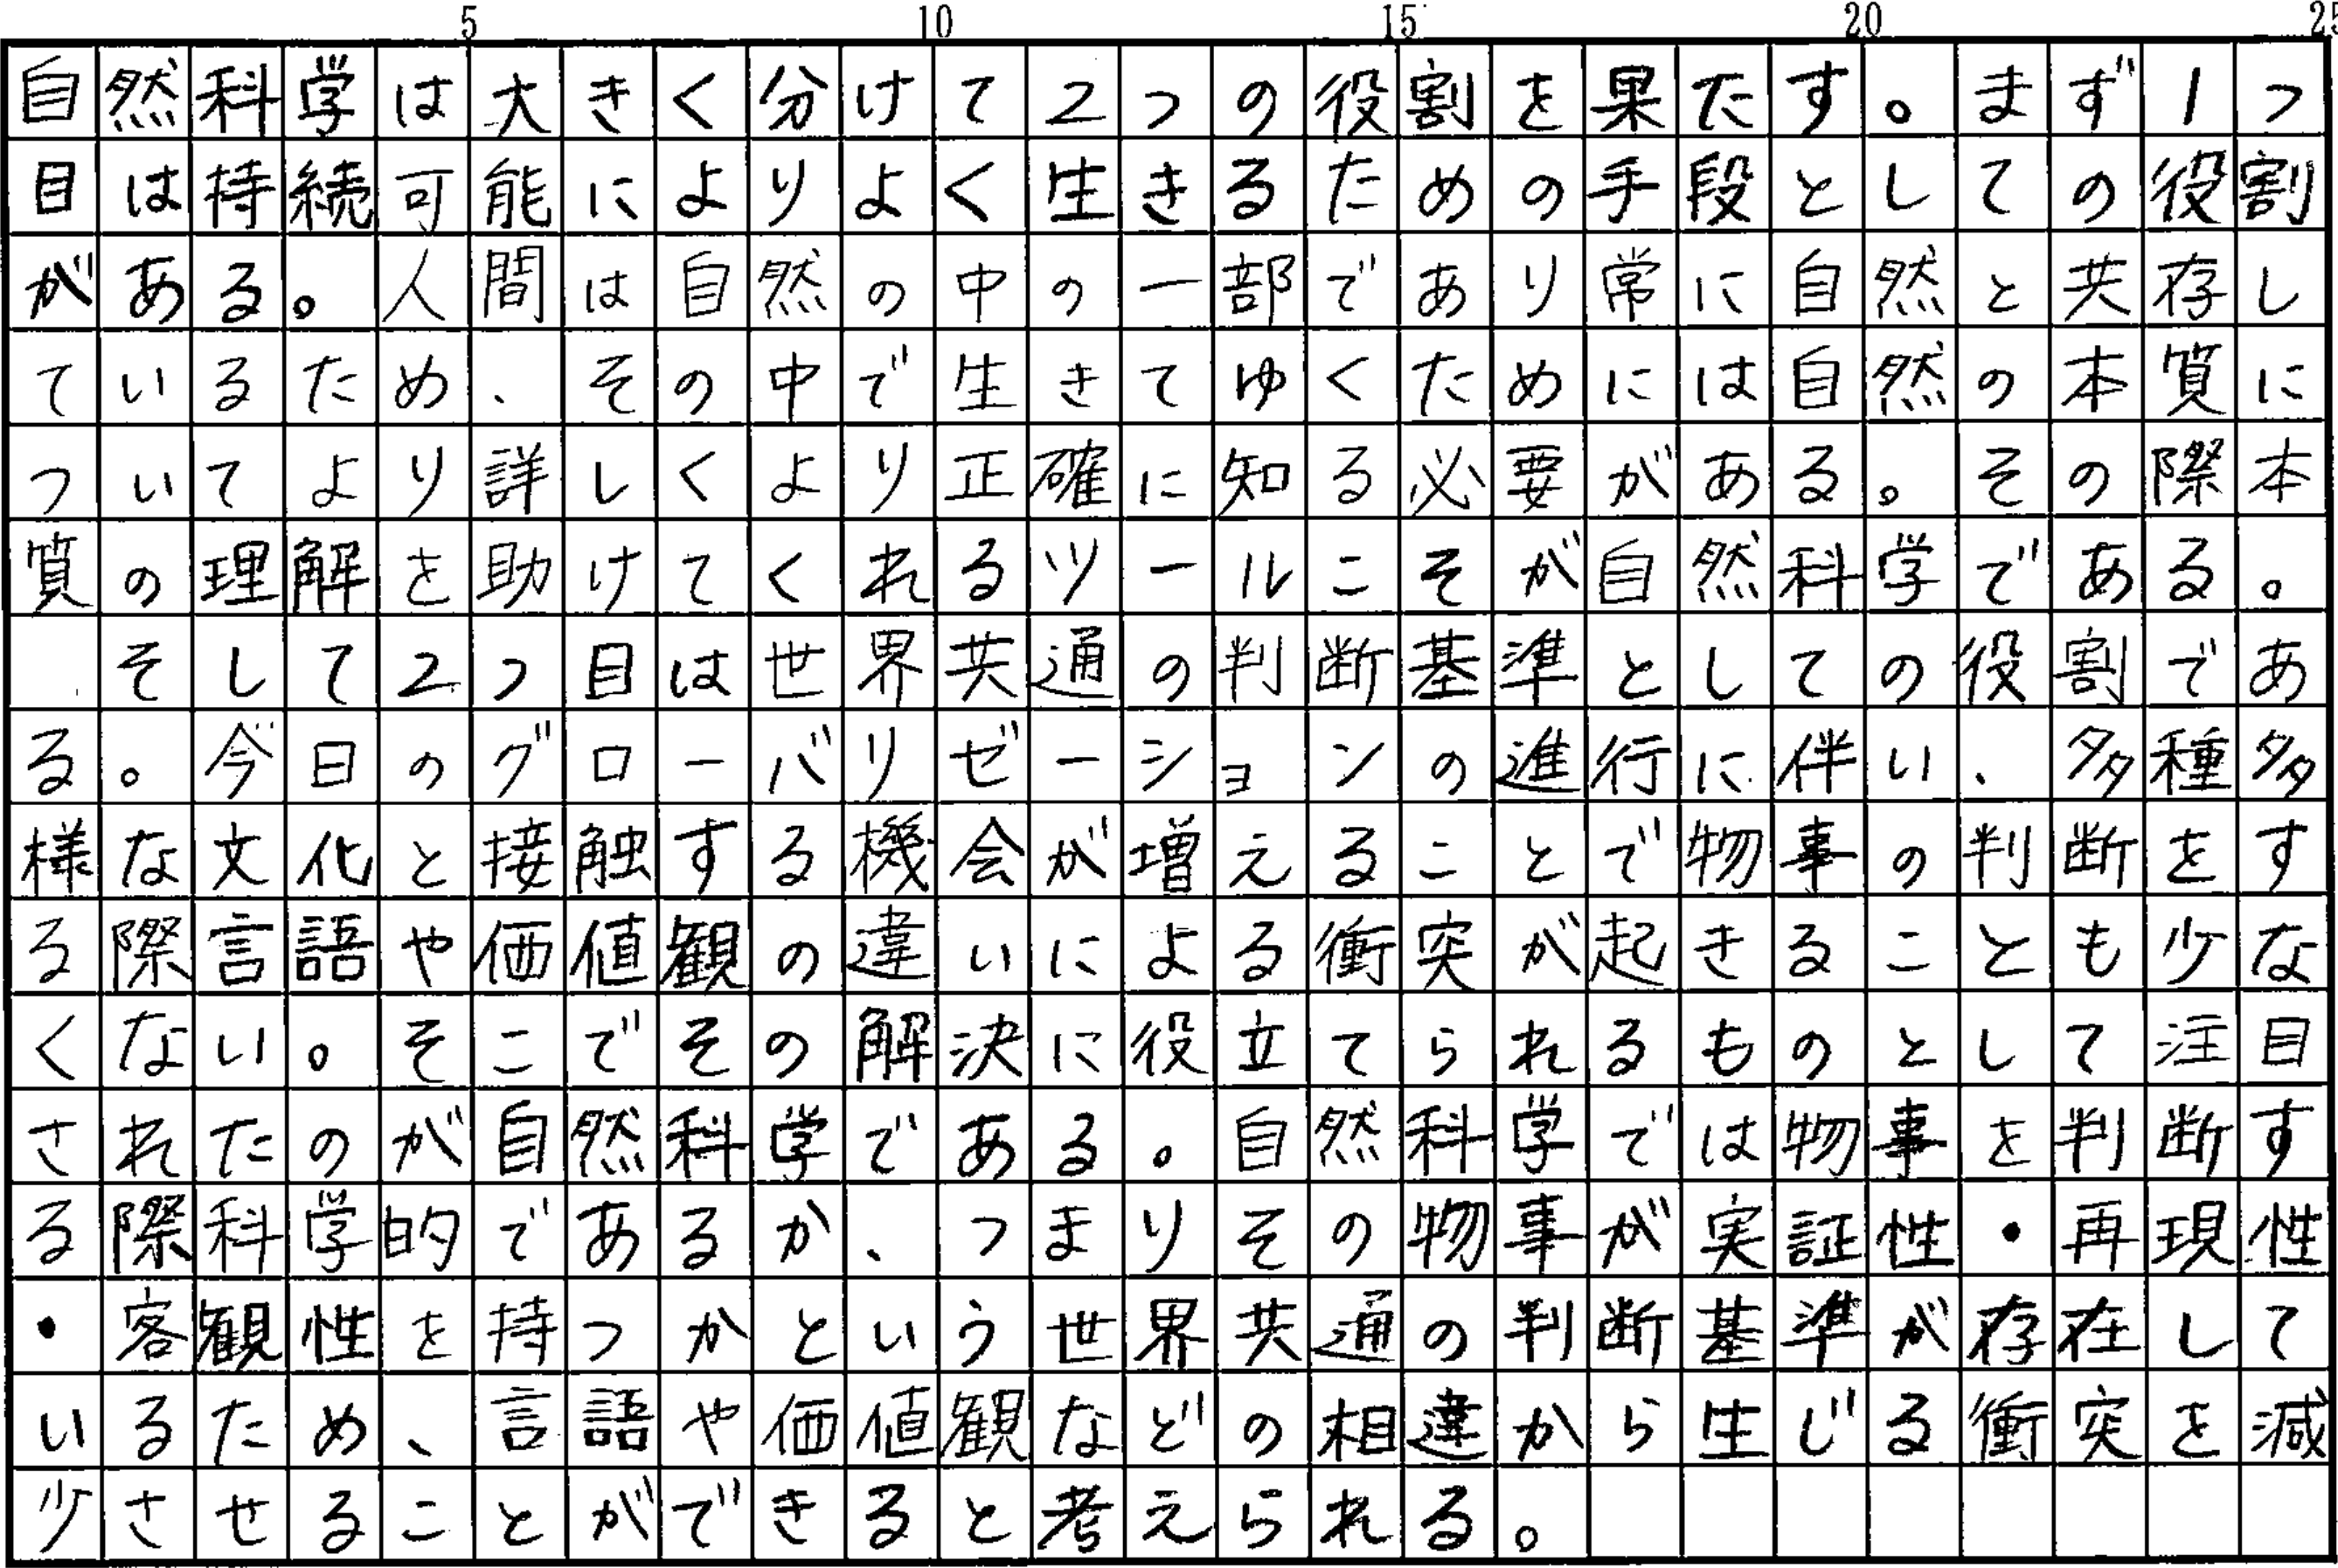自然科学は大きく分けて２つの役割を果たす。まず１つ目は持続可能によりよく生きるための手段としての役割がある。人間は自然の中の一部であり常に自然と共存しているため、その中で生きてゆくためには自然の本質についてより詳しくより正確に知る必要がある。その際本質の理解を助けてくれるツールこそが自然科学である。
　そして２つ目は世界共通の判断基準としての役割である。今日のグローバリゼーションの進行に伴い、多種多様な文化と接触する機会が増えることで物事の判断をする際言語や価値観の違いによる衝突が起きることも少なくない。そこでその解決に役立てられるものとして注目されたのが自然科学である。自然科学では物事を判断する際科学的であるか、つまりその物事が実証性・再現性・客観性を持つかという世界共通の判断基準が存在しているため、言語や価値観などの相違から生じる衝突を減少させることができると考えられる。
